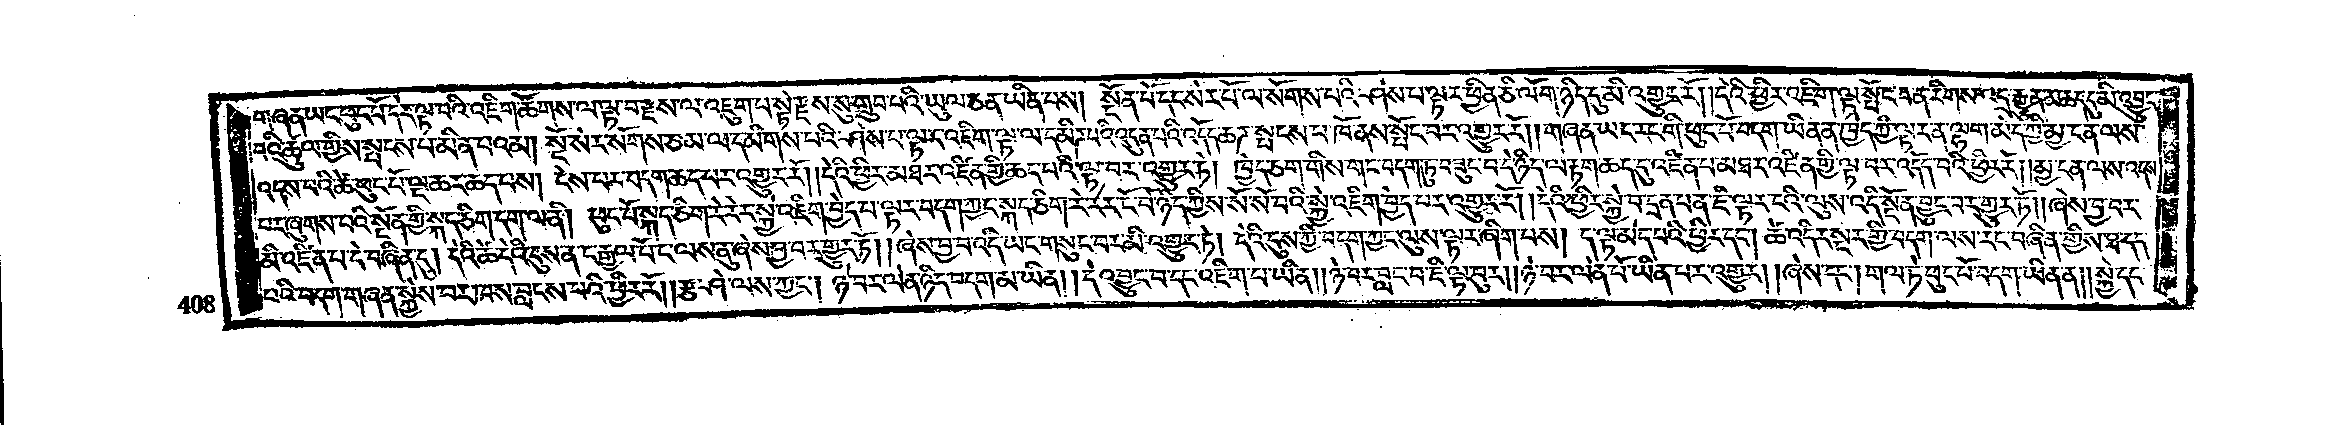གཞན་ཡང་ཕུང་པོ་དེར་ལྟ་བའི་འཇིག་ཚོགས་ལ་ལྟ་བ་རྫས་ལ་འཇུག་པ་སྟེ་རྫས་སུ་གྲུབ་པའི་ཡུལ་ཅན་ཡིན་པས། སྔོན་པོ་དང་སེར་པོ་ལ་སོགས་པའི་ཤེས་པ་ལྟར་ཕྱིན་ཅི་ལོག་ཉིད་དུ་མི་འགྱུར་རོ། །དེའི་ཕྱིར་འཇིག་ལྟ་སྤོང་བ་ན་རིགས་འདྲ་རྒྱུན་མི་ཆད་དུ་མི་འབྱུང་
བའི་ཚུལ་གྱིས་སྤངས་པ་མིན་པའམ། སྔོ་སེར་སོགས་ཙམ་ལ་དམིགས་པའི་ཤེས་པ་ལྟར་འཇིག་ལྟ་ལ་དམིགས་པའི་འདུན་པའི་འདོད་ཆགས་སྤངས་པ་ཁོ་ནས་སྤོང་བར་འགྱུར་རོ། །གཞན་ཡང་རང་གི་ཕུང་པོ་བདག་ཡིན་ན་ཁྱེད་ཀྱི་ལྟར་ན་ལྷག་མེད་ཀྱི་མྱ་ངན་ལས་
འདས་པའི་ཚེ་ཕུང་པོ་ལྔ་ཆར་ཆད་པས། ངེས་པར་བདག་ཆག་པར་འགྱུར་རོ། །དེའི་ཕྱིར་མཐར་འཛིན་གྱི་ཆད་པའི་ལྟ་བར་འགྱུར་ཏེ། ཁྱེད་ཅག་གིས་གང་བདག་ཏུ་བཟུང་བ་དེ་ཉིད་ལ་རྟག་ཆད་དུ་འཛིན་པ་མཐར་འཛིན་གྱི་ལྟ་བར་འདོད་པའི་ཕྱིར་རོ། །མྱ་ངན་ལས་འདས་
པར་ཞུགས་པའི་སྔོན་གྱི་སྐད་ཅིག་དག་ལ་ནི། ཕུང་པོ་སྐད་ཅིག་རེ་རེར་སྐྱེ་འཇིག་བྱེད་པ་ལྟར་བདག་ཀྱང་སྐད་ཅིག་རེ་རེར་ངོ་བོ་ཉིད་ཀྱིས་སོ་སོ་བའི་སྐྱེ་འཇིག་བྱེད་པར་འགྱུར་རོ། །དེའི་ཕྱིར་སྐྱེ་བ་དྲན་པ་ན་ཇི་ལྟར་ངའི་ལུས་འདི་སྔོན་བྱུང་བར་གྱུར་ཏོ། །ཞེས་བྱ་བར་
མི་འཛིན་པ་དེ་བཞིན་དུ། དེའི་ཚེ་དེའི་དུས་ན་ང་རྒྱལ་པོ་ང་ལས་ནུ་ཞེས་བྱ་བར་གྱུར་ཏོ། །ཞེས་བྱ་བ་འདི་ཡང་གསུང་བར་མི་འགྱུར་ཏེ། དེའི་དུས་ཀྱི་བདག་ཀྱང་ལུས་ལྟར་ཞིག་པས། ད་ལྟ་མེད་པའི་ཕྱིར་དང་། ཚེ་འདིར་སྔར་གྱི་བདག་ལས་རང་བཞིན་གྱིས་ཐ་དད་
པའི་བདག་གཞན་སྐྱེས་བར་ཁས་བླངས་པའི་ཕྱིར་རོ། །རྩ་ཤེ་ལས་ཀྱང་། ཉེ་བར་ལེན་ཉིད་བདག་མ་ཡིན། །དེ་འབྱུང་བ་དང་འཇིག་པ་ཡིན། །ཉེ་བར་བླང་བ་ཇི་ལྟ་བུར། །ཉེ་བར་ལེན་པོ་ཡིན་པར་འགྱུར། །ཞེས་དང་། གལ་ཏེ་ཕུང་པོ་བདག་ཡིན་ན། །སྐྱེ་དང་